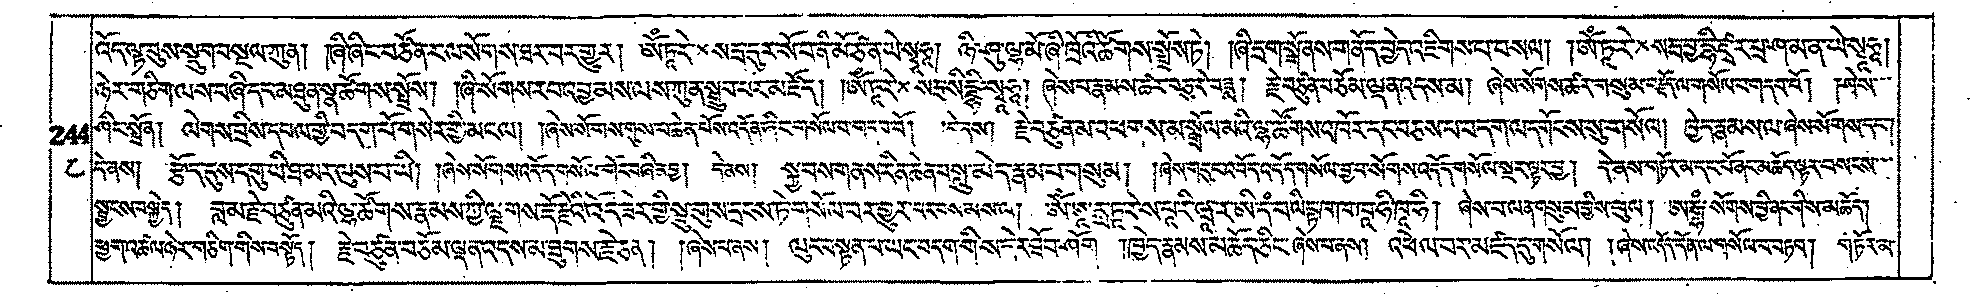འོད་ལྟ་བུས་སྡུག་བསྔལ་ཀུན། །ཞི་ཞིང་བཙོན་ར་ལ་སོགས་ཐར་བར་གྱུར། ཨོཾ་ཏཱ་རེ་྾་སརྦ་དུར་སོ་བ་ནི་མོ་ཙ་ན་ཡེ་སྭཱཧཱ། ཉི་ཤུ་ལྷ་མོ་ཞི་ཁྲོའི་ཚོགས་སྤྲོས་ཏེ། །ཞི་དྲག་སྒོ་ནས་གནོད་བྱེད་འཇིགས་པ་བསལ། །ཨོཾ་ཏཱ་རེ་྾་སརྦ་བྱ་དྷི་ཛྭ་ར་པྲ་ཤ་མ་ན་ཡེ་སྭཱཧཱ།
ཉེར་གཅིག་ལས་བཞི་དང་མཐུན་སྣ་ཚོགས་སྤྲོས། །ཞི་སོགས་རབ་འབྱམས་ལས་ཀུན་སྒྲུབ་པར་མཛོད། །ཨོཾ་ཏཱ་རེ་྾་སརྦ་སིདྡྷི་སྭཱཧཱ། ཞེས་པ་རྣམས་ཚར་བཅུ་རེ་བཟླ།  རྗེ་བཙུན་བཅོམ་ལྡན་འདས་མ། ཞེས་སོགས་ཚར་གསུམ་བརྗོད་ལ་གསོལ་བ་གདབ་བོ། །ཤེས་་་
ཤིང་སྤྲོ་ན། ལེགས་བྲིས་དཔལ་གྱི་བདག་པོ་གསེར་གྱི་མངལ། །ཞེས་སོགས་གུས་པ་ཆེན་པོས་འདོན་ཞིང་གསོལ་བ་གདབ་བོ། །དེ་ནས།  རྗེ་བཙུན་མ་འཕགས་མ་སྒྲོལ་མའི་ལྷ་ཚོགས་འཁོར་དང་བཅས་པ་བདག་ལ་དགོངས་སུ་གསོ། ཁྱེད་རྣམས་ལ་ཞེས་སོགས་དང་།
དེ་ནས། རྩོད་དུས་དགུ་ཡི་ཐ་མར་ལུས་པ་ཡི། །ཞེས་སོགས་འདོད་གསོལ་གོང་བཞིན་བྱ། དེ་ནས་སྐྱབས་གནས་རིན་ཆེན་བསླུ་མེད་རྣམ་པ་གསུམ། །ཞེས་གདུང་འབོད་འདོད་གསོལ་བྱ་བ་སོགས་འདོད་གསོལ་སྔར་ལྟར་བྱ། དེ་ནས་གཏོར་མ་དང་པོ་ནང་མཆོད་ལྟར་བསངྶ་་་
སྦྱངས་བསྐྱེད། བླ་མ་རྗེ་བཙུན་མའི་ལྷ་ཚོགས་རྣམས་ཀྱི་ལྗགས་རྡོ་རྗེའི་འོད་ཟེར་གྱི་སྦུ་གུས་དྲུངས་ཏེ་གསོལ་བར་གྱུར་པར་བསམས་ལ།  ཨོཾ་ཨཱརྱ་ཏཱ་རེ་ས་པཱ་རི་ཝཱ་ར་ཨི་དཾ་བ་ལིངྟ་ཁ་ཁ་ཁཱ་ཧི་ཁཱ་ཧི། ཞེས་པ་ལན་གསུམ་གྱིས་ཕུལ།  ཨརྒྷཾ་སོགས་ཕྱི་ནང་གིས་མཆོད།
ཕྱག་འཚལ་ཉེར་གཅིག་གིས་བསྟོད། རྗེ་བཙུན་བཅོམ་ལྡན་འདས་མ་ཐུགས་རྗེ་ཅན། །ཞེས་པ་ནས།  ལུང་བསྟན་པ་ཡང་བདག་གིས་དེར་ཐོབ་ཤོག །ཁྱེད་རྣམས་མཆོད་ཅིང་ཞེས་པ་ནས།  འཕེལ་བར་མཛད་དུ་གསོལ། །ཞེས་འདོད་དོན་ལ་གསོལ་བ་བཏབ། གཏོར་མ་